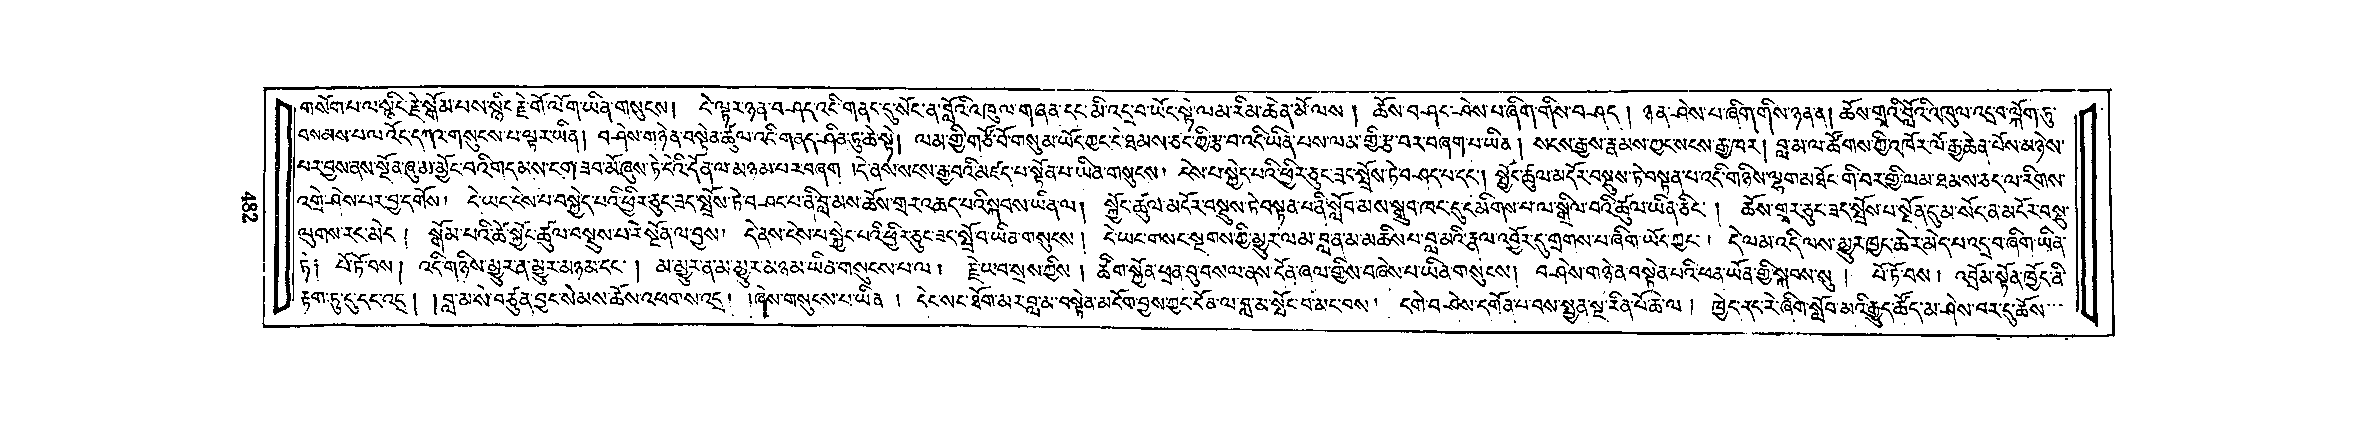གསོག་པ་ལ་སྙིང་རྗེ་སྒོམ་པས་སྙིང་རྗེ་གོ་ལོག་ཡིན་གསུངས། དེ་ལྟར་ཉན་བཤད་འདི་གནང་དུ་སོང་ན་བློའི་འཁུལ་གཞན་དང་མི་འདྲ་བ་ཡོང་སྟེ་ལམ་རིམ་ཆེན་མོ་ལས། ཆོས་བཤད་ཤེས་པ་ཞིག་གིས་བཤད། ཉན་ཤེས་པ་ཞིག་གིས་ཉན་ན། ཆོས་གྲྭའི་བློའི་འཁུལ་འདྲ་བ་ལྐོག་ཏུ་
བསམས་པ་ལ་འོད་དཀའ་གསུངས་པ་ལྟར་ཡིན། བཤེས་གཉེན་བསྟེན་ཚུལ་འདི་གནད་ཤིན་ཏུ་ཆེ་སྟེ། ལམ་གྱི་གཙོ་བོ་གསུམ་ཡོད་ཀྱང་དེ་ཐམས་ཅད་ཀྱི་རྩ་བ་འདི་ཡིན་པས་ལམ་གྱི་རྩ་བར་བཞག་པ་ཡིན། སངས་རྒྱས་རྣམས་ཀྱང་སངས་རྒྱ་ཁར། བླ་མ་ལ་ཚོགས་ཀྱི་འཁོར་ལོ་རྒྱ་ཆེན་པོས་མཉེས་
པར་བྱས་ནས་སྔོན་ཞུ་མ་མྱོང་བའི་གདམས་ངག་ཟབ་མོ་ཞུས་ཏེ་དེའི་དོན་ལ་མཉམ་པར་བཞག །དེ་ནས་སངས་རྒྱ་བའི་མཛད་པ་སྟོན་པ་ཡིན་གསུངས། ངེས་པ་སྐྱེད་པའི་ཕྱིར་ཅུང་ཟད་སྤྲོས་ཏེ་བཤད་པ་དང་། སྦྱོང་ཚུལ་མདོར་བསྡུས་ཏེ་བསྟན་པ་འདི་གཉིས་ལྷག་མཐོང་གི་བར་གྱི་ལམ་ཐམས་ཅད་ལ་རིགས་
འགྲེ་ཤེས་པར་བྱ་དགོས། དེ་ཡང་ངེས་པ་བསྐྱེད་པའི་ཕྱིར་ཅུང་ཟད་སྤྲོས་ཏེ་བཤད་པ་ནི་བླ་མས་ཆོས་གྲར་འཆད་པའི་སྐབས་ཡིན་ལ། སྐྱོང་ཚུལ་མདོར་བསྡུས་ཏེ་བསྟན་པ་ནི་སློབ་མས་སྒྲུབ་ཁང་དུ་དམིགས་པ་ལ་སྒྲིལ་བའི་ཚུལ་ཡིན་ཅིང་། ཆོས་གྲྭར་ཅུང་ཟད་སྤྲོས་པ་སྔོན་དུ་མ་སོང་ན་མདོར་བསྡུ་
ལུགས་རང་མེད། སྒོམ་པའི་ཚེ་སྐྱོང་ཚུལ་བསྡུས་པ་རེ་སྔོན་ལ་བྱས། དེ་ནས་ངེས་པ་སྐྱེད་པའི་ཕྱིར་ཅུང་ཟད་སྤྲོ་བ་ཡིན་གསུངས། དེ་ཡང་གསང་སྔགས་ཀྱི་མྱུར་ལམ་བླ་ན་མ་མཆིས་པ་བླ་མའི་རྣལ་འབྱོར་དུ་གྲགས་པ་ཞིག་ཡོད་ཀྱང་། དེ་ལམ་འདི་ལས་མྱུར་ཁྱད་ཆེར་མེད་པ་འདྲ་བ་ཞིག་ཡིན་
ཏེ། པོ་ཏོ་བས། འདི་གཉིས་མྱུར་ན་མྱུར་མཉམ་དང་། མ་མྱུར་ན་མ་མྱུར་མཉམ་ཡིན་གསུངས་པ་ལ། རྗེ་ཡབ་སྲས་ཀྱིས། ཚིག་སྐྱོན་ཕྲན་བུ་བསལ་ནས་དོན་ཞལ་གྱིས་བཞེས་པ་ཡིན་གསུངས། བཤེས་གཉེན་བསྟེན་པའི་ཕན་ཡོན་གྱི་སྐབས་སུ། པོ་ཏོ་བས། འབྲོམ་སྟོན་ཁྱོད་ནི་
རྟག་ཏུ་ངུ་དང་འདྲ། །བླ་མ་སེ་བཙུན་བྱང་སེམས་ཆོས་འཕགས་འདྲ། །ཞེས་གསུངས་པ་ཡིན། དེང་སང་ཐོག་མར་བླ་མ་བསྟེན་མདོག་བྱས་ཀྱང་དོན་ལ་བླ་མ་སྤོང་བ་མང་བས། དགེ་བཤེས་དགོན་པ་བས་སྤྱན་སྔ་རིན་པོ་ཆེ་ལ། ཁྱེད་རང་རེ་ཞིག་སློབ་མའི་རྒྱུད་ཚོད་མ་ཤེས་བར་དུ་ཆོས་